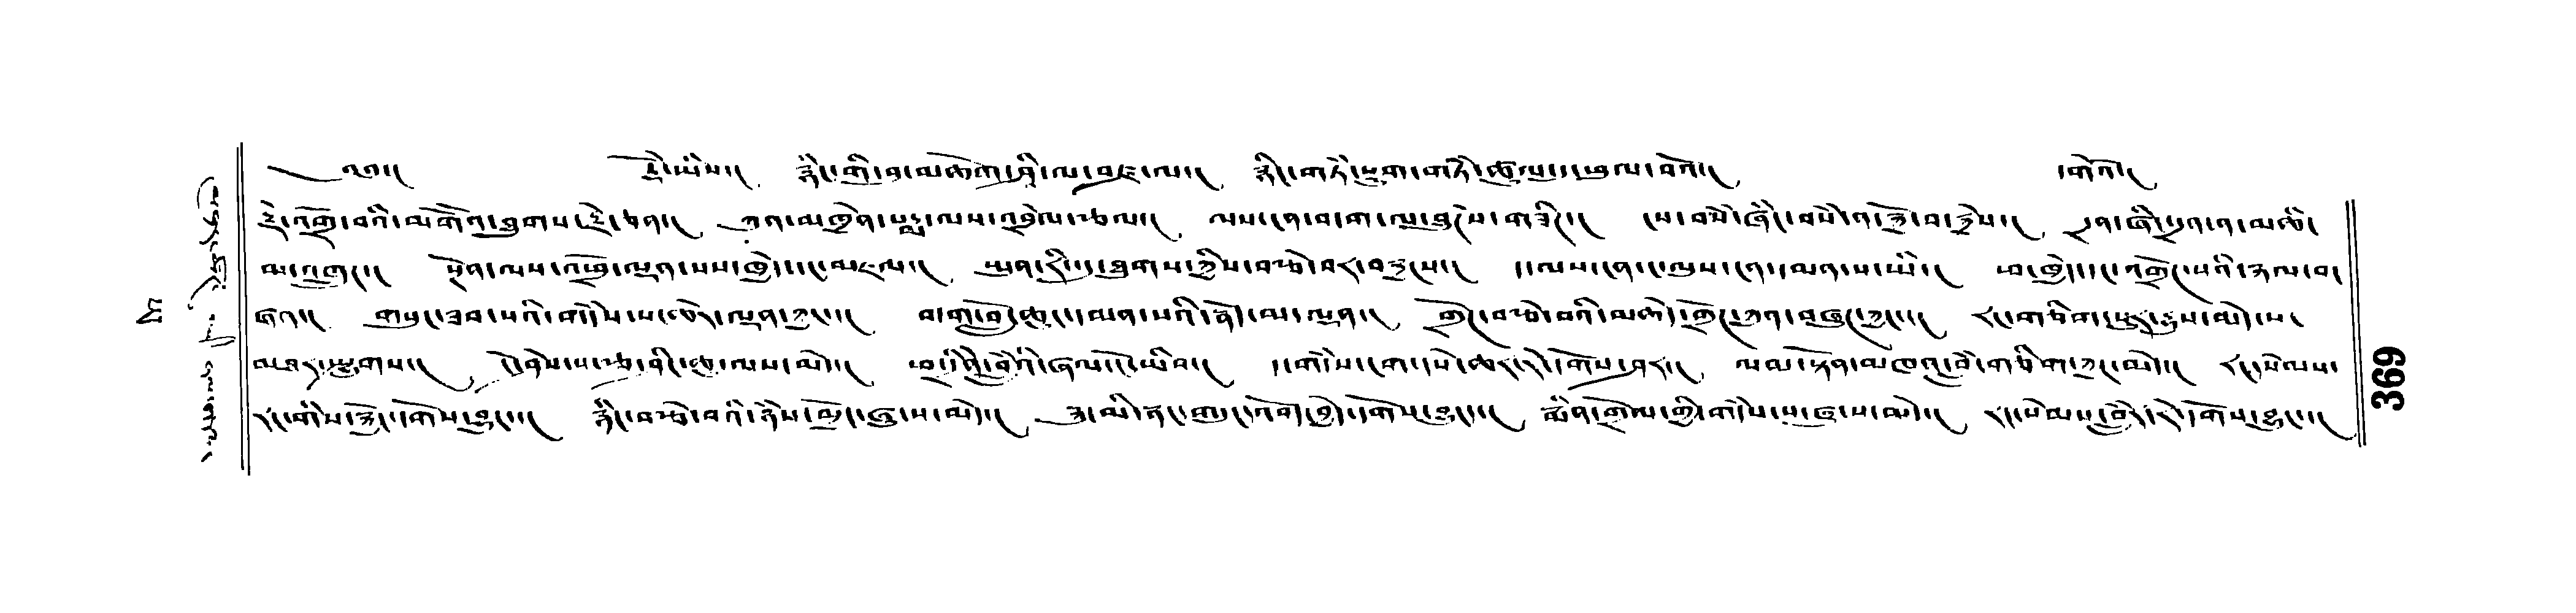རྡོ་རྗེ་ཡིས། །སྙིང་གི་བུ་མཆོག་ཤཱི་ལ་བཛྲ་ལ། །སྙིང་གཏམ་སྡུག་གཏམ་ཚུལ་དུ་ཕུལ་བའོ།། དགེའོ།། 
རྗེ་འགྲོ་བའི་མགོན་པོ་ཐུགས་རྗེ་ཅན། །ཀུན་མཁྱེན་པདྨ་ལས་འབྲེལ་རྩལ། །ལས་ངན་བདག་ལ་ཐུགས་རྗེས་གཟིགས། །ངས་བསམ་ཞིང་བསམ་ན་སྐྱོ་བ་སྐྱེས། །དྲན་ཞིང་དྲན་ན་མཆི་
མ་འཁྲུགས། །སྔོན་ལས་འཕྲོ་ལྡན་པས་ཁྱེད་དང་མཇལ། །ཡུན་རིང་དུ་ཐུགས་ཀྱིས་བརྩེ་བས་བསྐྱངས། །ད་ལས་ངན་ང་ལུས་ངན་དམན་པ་ཡི། །ཕ་ཁྱེད་དང་འགྲོགས་པའི་སྐལ་བ་
ཞན། །གསུང་ཟབ་པའི་གདམས་པ་ཆེར་ལྡན་ཀྱང་། །བདག་བློ་ཆུང་དམན་པའི་སྣོད་མ་ལྡན། །གྲོགས་བརྩེ་བའི་མཆེད་གྲོགས་ཀུན་བཞུགས་ཀྱང་། །རང་གཅིག་པུར་རྒྱུས་མེད་ས་
མཐར་སྤྱུགས། །ངོ་ཤེས་པ་རྩ་ཤིང་ཆུ་ལས་མེད། །ཕ་དྲིན་ཆེན་བླ་མའི་ཞལ་ངོ་ཡིབ། །ད་གདམས་ངག་དཔེ་ཆར་རེ་དགོས་ཤར། །ལམ་སྟོན་མཁན་བླ་མ་གཅིག་ཀྱང་མེད། །རང་སེམས་
རང་གིས་སྐྱོང་དགོས་བྱུང་། །སྙིང་བརྩེ་བའི་ཉམས་མྱོང་ཞུ་ས་མེད། །སྐུ་མི་སྣང་གདུང་འབོད་བྱེད་དགོས་བྱུང་། །སྨིན་གྲོལ་གྱི་གདམས་པ་ཞུ་ས་མེད། །རང་སེམས་བླ་མར་རེ་དགོས་བྱུང་།